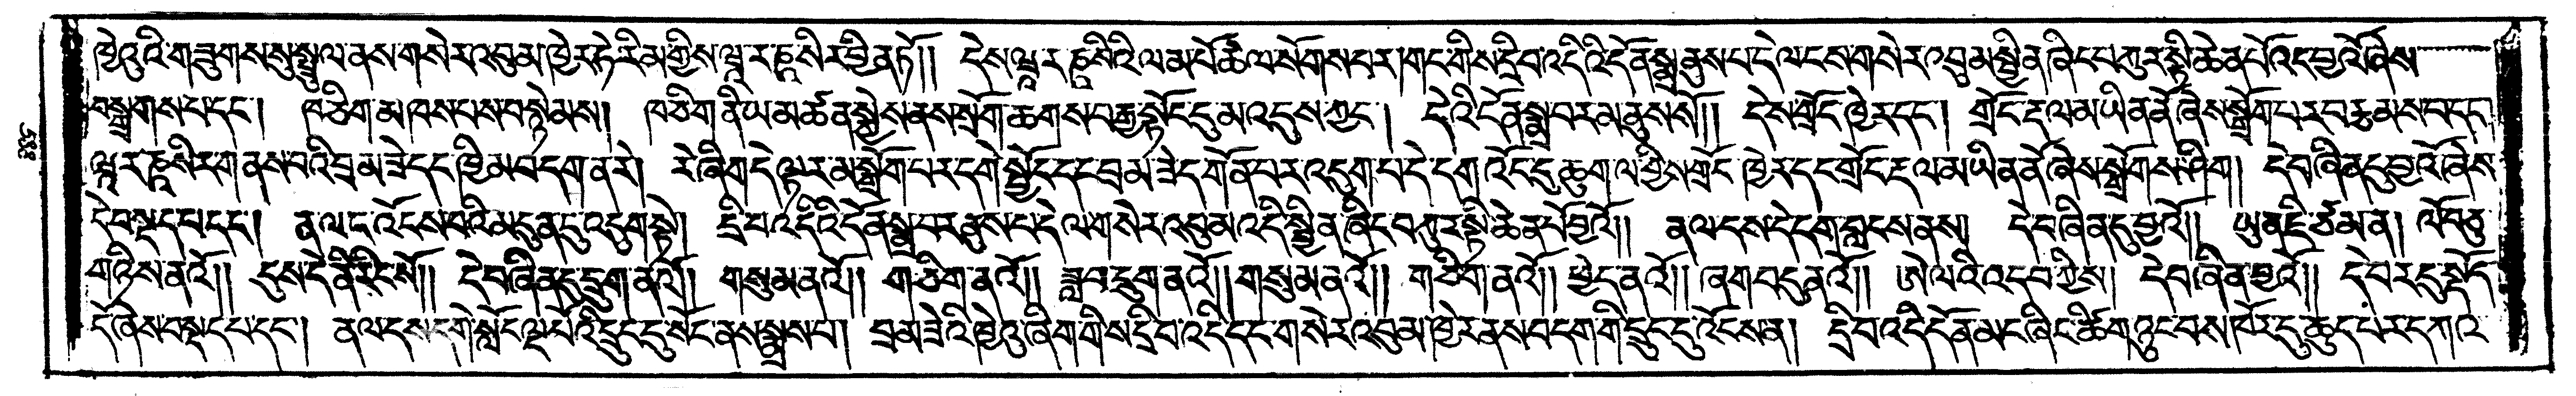ཁྱེའུའི་གཟུགས་སུ་སྤྲུལ་ནས་གསེར་འབུམ་ཁྱེར་ཏེ་རིམ་གྱིས་ཝཱ་ར་ཎཱ་སིར་བྱིན་ཏོ།། དེས་ཝཱ་ར་ཎཱ་སིའི་ལམ་པོ་ཆེ་ལ་སོགས་པར། གང་གིས་དྲི་བ་འདིའི་དོན་སྨྲ་ནུས་པ་དེ་ལངས་གསེར་འབུམ་སྦྱིན་ཞིང་བ་ཀུར་སྟི་ཆེན་པའང་བྱའོ་ཞེས་
བསྒྲགས་པ་དང་། ཁ་ཅིག་མཁས་པས་བསྙེམས། ཁ་ཅིག་ནི་ཡ་མཚན་སྐྱེས་ནས་སྲོག་ཆགས་བརྒྱ་སྟོང་དུ་མ་འདུས་ཀྱང་། དེའི་དོན་སྨྲ་བར་མ་ནུས་སོ།། དེས་གྲོང་ཁྱེར་དང་། གྲོང་རྡལ་མ་ཡིན་ནོ་ཞེས་སྒྲོག་པར་བརྩམས་པ་དང་
ཝཱར་ཎཱ་སིར་གནས་པའི་བྲམ་ཟེ་དང་ཁྱིམ་བདག་ན་རེ། རེ་ཞིག་དེ་ལྟར་མ་སྒྲོག་པར་དགེ་སྦྱོང་དང་བྲམ་ཟེད་གོན་པར་འདུག་པ་དེ་དག་འོང་དུ་ཆུག་ལ་བྱིས་གྲོང་ཁྱེར་དང་གྲོང་རྡལ་མ་ཡིན་ནོ་ཞེས་སྒྲོགས་ཤིག། དེ་བཞིན་དུ་བྱའོ་ཞེས་
དེ་བསྡད་པ་དང་། ན་ལང་འོངས་པའི་མདུན་དུ་འདུག་སྟེ། དྲི་བ་འདིའི་དོན་སྨྲ་བར་ནུས་པ་དེ་ལ་གསེར་འབུམ་འདི་སྦྱིན་ཞིང་བཀུར་སྟི་ཆེན་པོ་བྱའོ།། ན་ལ་དས་དེ་དག་བླངས་ནས། དེ་བཞིན་དུ་བྱའོ།། ཡུན་ཇི་ཙམ་ན། ལོ་བཅུ་
གཉིས་ནའོ།། དུས་དེ་ནི་རིང་སོ།། དེ་བཞིན་དུ་དྲུག་ནའོ།། གསུམ་ནའོ།། གཅིག་ནའོ།། ཟླ་བ་དྲུག་ནའོ།། གསུམ་ནའོ།། གཅིག་ནའོ།། ཕྱེད་ནའོ།། ཞག་བདུནO།།ཨེ་ལའི་འདབ་ཀྱིས། དེ་བཞིན་བྱའོ།། དེ་བར་དུ་སྡོད་
དེ་ཞེས་བསྡད་པ་དང་། ནལ་དས་དགེ་སློང་ལྔ་པོའི་དྲུང་དུ་སོང་ནས་སྨྲས་པ། བྲམ་ཟེའི་ཁྱེའུ་ཞིག་གིས་དྲི་བ་འདི་དང་གསེར་འབུམ་ཁྱེར་ནས་བདག་གི་དྲུང་དུ་འོངས་ན། དྲི་བ་འདི་དོན་མང་ཞིང་ཚིག་ཉུང་བས་ཁོར་དུ་ཆུད་པར་དཀའ་